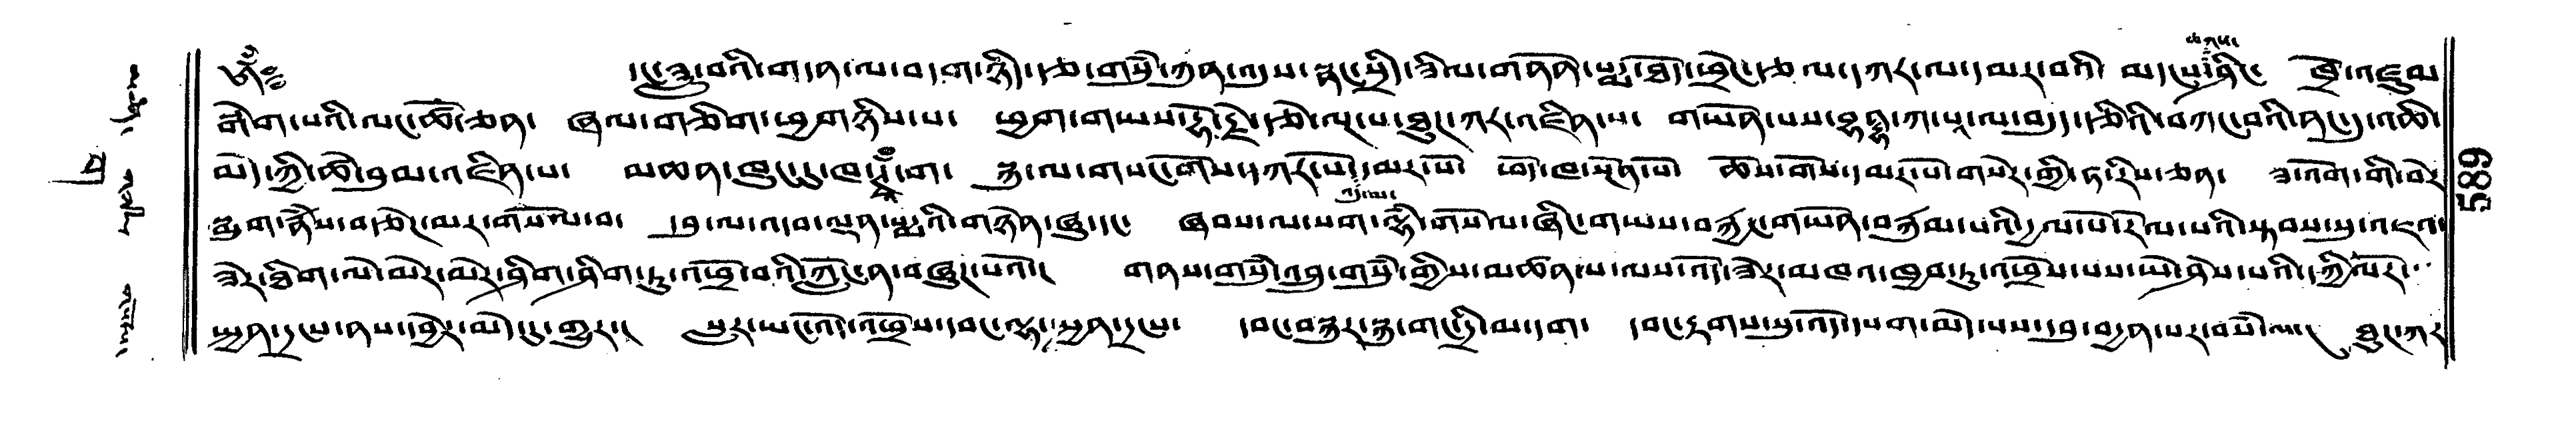དང་ཟླ་བའི་གདན་ལ་བདག་ཉིད་རྩ་གསུམ་ཀུན་འདུས་སྣང་སྲིད་ཟིལ་གནོན་པདྨ་ཐོད་ཕྲེང་རྩལ་དཀར་ལ་དམར་བའི་མདངས་ཆགས་ཤིང་། ཁྲོ་འཛུུམ་
སྒེག་པའི་ལང་ཚོ་ཅན། ཞལ་གཅིག་ཕྱག་གཉིས་པ། ཕྱག་གཡས་རྡོ་རྗེ་རྩེ་ལྔ་པ་ཐུགས་ཀར་འཛིན་པ། གཡོན་པས་བྷནྡྷ་ཀ་པཱ་ལ་བདུད་རྩིས་བཀང་བའི་ནང་དུ་འཆི་
མེད་ཀྱི་ཚེ་བུམ་འཛིན་པ། མཆན་ཁུང་དུ་ཁ་ཊྭཱྃ་ག། སྐུ་ལ་གསང་གོས་དཀར་པོ་འདུ་མ་དམར་པོ། ཕོད་ཁ་སྔོན་པོ། ཆོས་གོས་དམར་པོ་གསེར་གྱི་ཧ་རིས་ཅན། ཟ་འོག་གི་བེར་
སྨུག་རྣམས་བརྩེགས་མར་གསོལ་བ། དབུ་ལ་འདབ་ལྡན་པདྨའི་གཉེན་ཞུ་དང་། ཞབས་ལ་སག་ལྷམ་གསོལ་ཞིང་གཡས་བརྐྱངས་གཡོན་བསྐུམས་པའི་རྒྱལ་པོ་རོལ་པའི་སྟབས་སུ་འཇའ་
ཟེར་ཐིག་ལེ་མེར་མེར་ཤིག་ཤིག་ཏུ་འཕྲོ་བའི་ཀློང་ན་བཞུགས་པའོ། །གནས་གསུམ་འབྲུ་གསུམ་གྱིས་མཚན་པ་ལས་འོད་ཟེར་མཁའ་ཁྱབ་ཏུ་འཕྲོས་པས་ཡེ་ཤེས་པའི་དཀྱིལ་འཁོར་
སྤྱན་དྲངས་ནས་དབྱེར་མེད་དུ་གྱུར། སླར་ཡང་འོད་འཕྲོས་དབང་ལྷ་སྤྱན་དྲངས། དབང་བསྐུར་སྐུ་གང་དྲི་མ་དག དབང་རྟགས་སུ་འོད་དཔག་མེད་པས་དབུ་བརྒྱན་པར་བསམ་ལ། ཐུགས་ཀར་